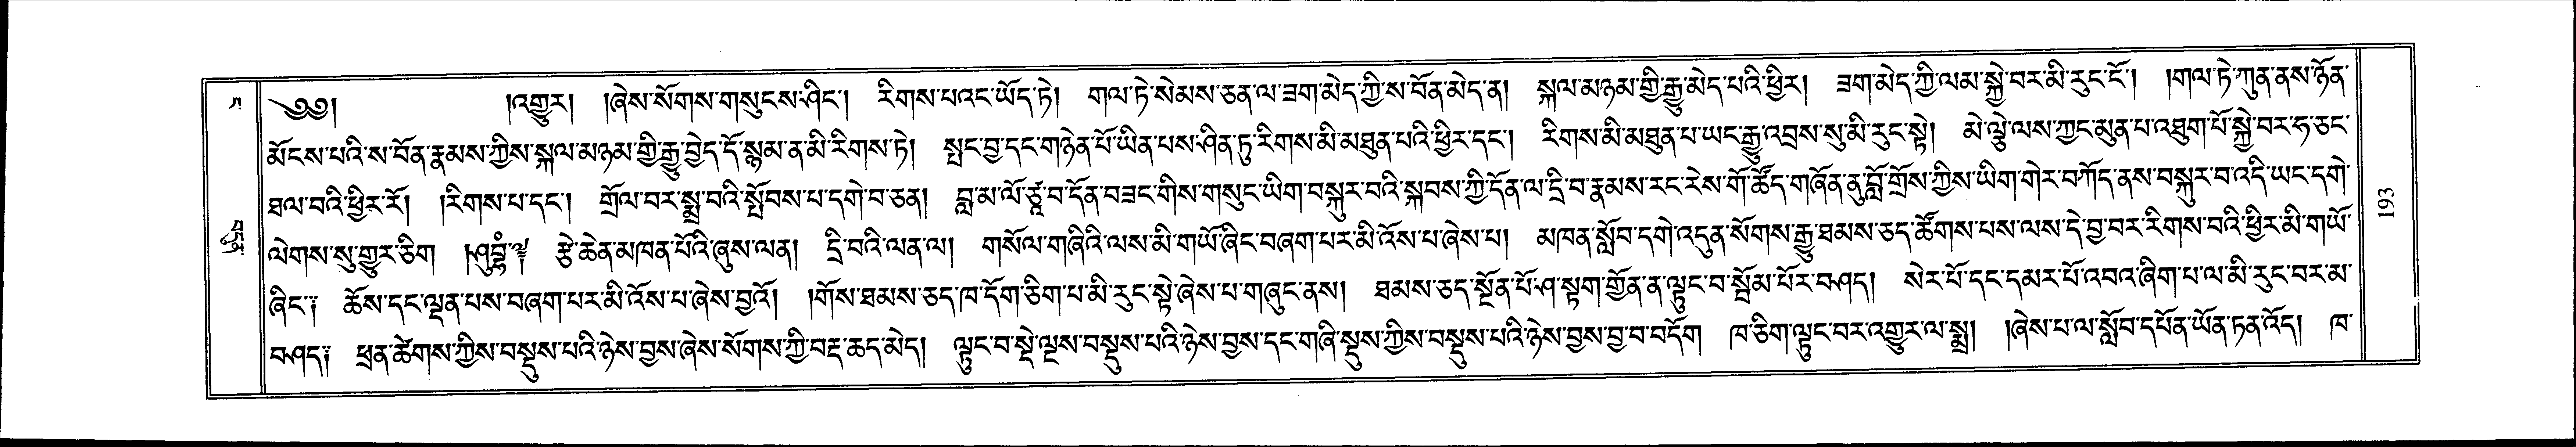༄༅། །འགྱུར། །ཞེས་སོགས་གསུངས་ཤིང་། རིགས་པའང་ཡོད་ཏེ། གལ་ཏེ་སེམས་ཅན་ལ་ཟག་མེད་ཀྱི་ས་བོན་མེད་ན། སྐལ་མཉམ་གྱི་རྒྱུ་མེད་པའི་ཕྱིར། ཟག་མེད་ཀྱི་ལམ་སྐྱེ་བར་མི་རུང་ངོ། །གལ་ཏེ་ཀུན་ནས་ཉོན་
མོངས་པའི་ས་བོན་རྣམས་ཀྱིས་སྐལ་མཉམ་གྱི་རྒྱུ་བྱེད་དོ་སྙམ་ན་མི་རིགས་ཏེ། སྤང་བྱ་དང་གཉེན་པོ་ཡིན་པས་ཤིན་ཏུ་རིགས་མི་མཐུན་པའི་ཕྱིར་དང་། རིགས་མི་མཐུན་པ་ཡང་རྒྱུ་འབྲས་སུ་མི་རུང་སྟེ། མེ་ལྕེ་ལས་ཀྱང་མུན་པ་འཐུག་པོ་སྐྱེ་བར་ཧ་ཅང་
ཐལ་བའི་ཕྱིར་རོ། །རིགས་པ་དང་། གྲོལ་བར་སྨྲ་བའི་སྤོབས་པ་དགེ་བ་ཅན། བླ་མ་ལོ་ཙཱ་བ་དོན་བཟང་གིས་གསུང་ཡིག་བསྐུར་བའི་སྐབས་ཀྱི་དོན་ལ་དྲི་བ་རྣམས་རང་རེས་གོ་ཚོད་གཞོན་ནུ་བློ་གྲོས་ཀྱིས་ཡིག་གེར་བཀོད་ནས་བསྐུར་བ་འདི་ཡང་དགེ་
ལེགས་སུ་གྱུར་ཅིག །ཤུབྷཾ་༈ རྩེ་ཆེན་མཁན་པོའི་ཞུས་ལན། དྲི་བའི་ལན་ལ། གསོལ་གཞིའི་ལས་མི་གཡོ་ཞིང་བཞག་པར་མི་འོས་པ་ཞེས་པ། མཁན་སློབ་དགེ་འདུན་སོགས་རྒྱུ་ཐམས་ཅད་ཚོགས་པས་ལས་དེ་བྱ་བར་རིགས་བའི་ཕྱིར་མི་གཡོ་
ཞིང་། ཆོས་དང་ལྡན་པས་བཞག་པར་མི་འོས་པ་ཞེས་བྱའོ། །གོས་ཐམས་ཅད་ཁ་དོག་ཅིག་པ་མི་རུང་སྟེ་ཞེས་པ་གཞུང་ནས། ཐམས་ཅད་སྔོན་པོ་ཤ་སྟག་གྱོན་ན་ལྟུང་བ་སྦོམ་པོར་བཤད། སེར་པོ་དང་དམར་པོ་འབའ་ཞིག་པ་ལ་མི་རུང་བར་མ་
བཤད། ཕྲན་ཚེགས་ཀྱིས་བསྡུས་པའི་ཉེས་བྱས་ཞེས་སོགས་ཀྱི་བརྡ་ཆད་མེད། ལྟུང་བ་སྡེ་ལྔས་བསྡུས་པའི་ཉེས་བྱས་དང་གཞི་སྡུས་ཀྱིས་བསྡུས་པའི་ཉེས་བྱས་བྱ་བ་བདོག་ཁ་ཅིག་ལྟུང་བར་འགྱུར་ལ་སྨྲ། །ཞེས་པ་ལ་སློབ་དཔོན་ཡོན་ཏན་འོད། ཁ་